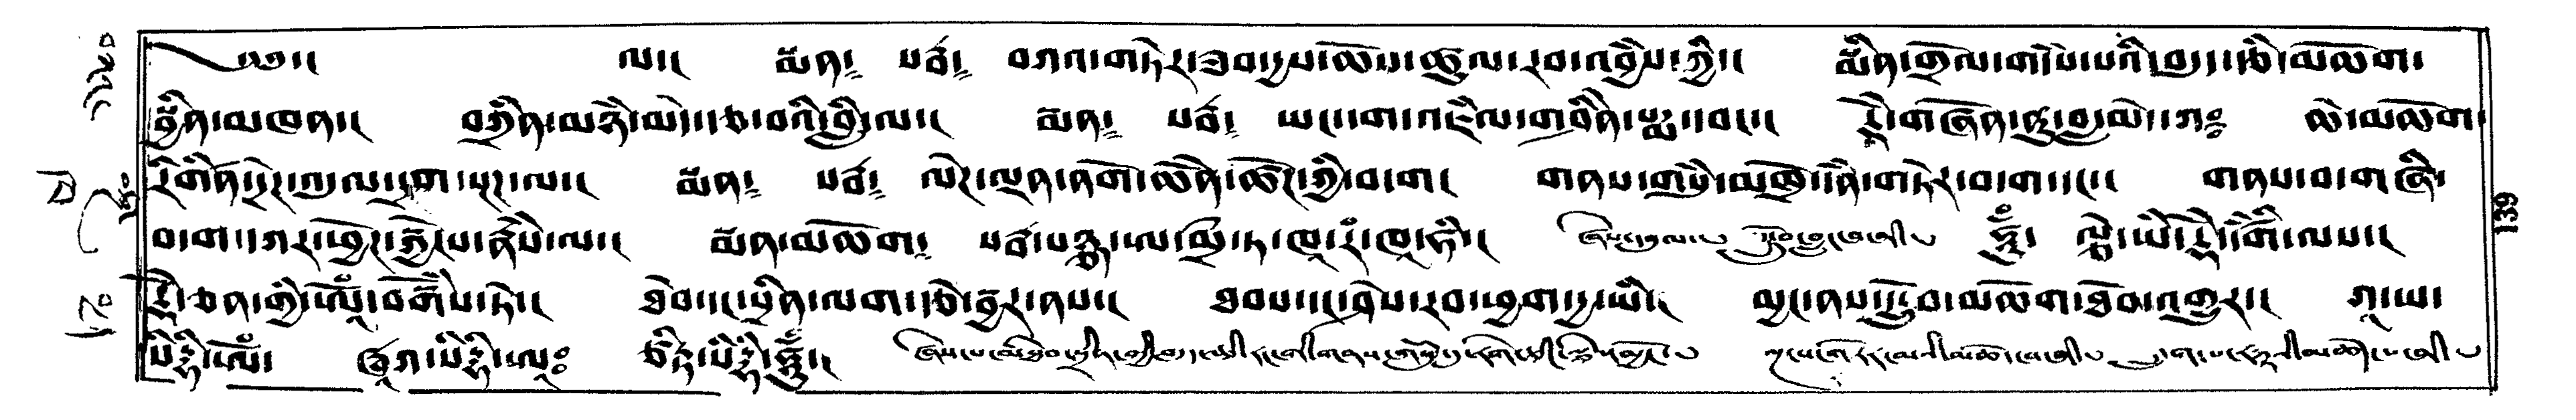ལ། སྨན༴ སརྦ༴ བཀའ་གཏེར་ཟབ་རྒྱས་ཆོས་ཚུལ་རབ་འབྱམས་ཀྱི། །སྨིན་གྲོལ་གདམས་པའི་བདུད་རྩི་མཆོག་
སྦྱིན་མཁན། བཀའ་དྲིན་མཉམ་མེད་རྩ་བའི་བླ་མ་ལ། སྨན༴ སརྦ༴ ཡང་དག་འཇམ་དཔལ་གཤིན་རྗེ་པདྨ་དབང་། །རྡོ་རྗེ་གཞོན་ནུ་བླ་མེད་ཧེ་རུ་ཀ༔ ཆེ་མཆོག་
རིག་འཛིན་དྲེགས་འདུལ་དྲག་སྔགས་ལ།། སྨན༴ སརྦ༴ ལེགས་ལྡན་ནག་པོ་ཆེན་པོ་ཚོགས་ཀྱི་བདག། །གནས་གསུམ་མཁའ་འགྲོ་དམ་ཅན་གཏེར་བདག་དང་། །གནས་བདག་གཞི་
བདག་དཀར་ཕྱོགས་སྐྱོང་རྣམས་ལ། །སྨན་མཆོད༴སརྦ་པཉྩ་ཨམྲྀ་ཏ་ཁཱ་རཾ་ཁཱ་ཧི། ཞེས་དབུལ། དངོས་གྲུབ་བླང་བ་ནི། ཧཱུྃ། ལྕེ་ཡི་རྡོ་རྗེ་དམ་ཚིག་ལས། །
རྡོ་རྗེ་ཅན་གྱི་ཨཱོཾ་བསྒོམས་ཏེ། །ཐེབ་དང་སྲིན་ལག་རྩེ་སྦྱར་ནས། ཐབས་དང་ཤེས་རབ་ཕྱག་རྒྱ་ཡི། །མྱང་ན་དངོས་གྲུབ་མཆོག་ཐོབ་འགྱུར།། ཀཱ་ཡ་
སིདྡྷི་ཨོཾཿ ཝཱ་ཀ་སིདྡྷི་ཨཱཿ ཙིཏྟ་སིདྡྷི་ཧཱུྃཿ ཞེས་པ་མཐེབ་སྲིན་གྱི་བདུད་རྩི་རང་གི་གནས་གསུམ་དུ་རེག་ཅིང་ལྕེས་མྱོང་། ལྔ་པ་གཏོར་མའི་མཆོད་པ་ནི། དྲུག་པ་རཀྟའི་མཆོད་པ་ནི།